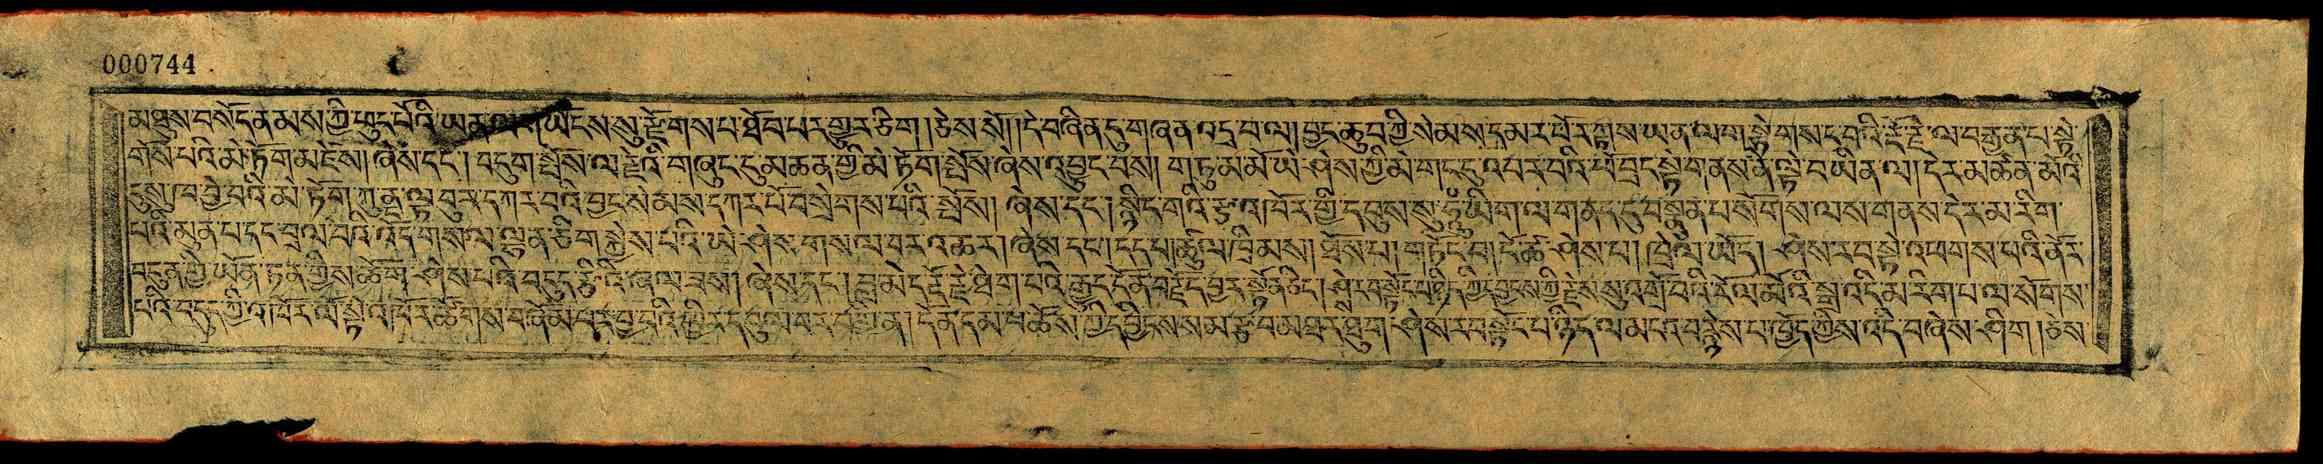མཐུས་བསོད་ནམས་ཀྱི་ཕུང་པོའི་ཡན་ལག་ཡོངས་སུ་རྫོགས་པ་ཐོབ་པར་གྱུར་ཅིག །ཅེས་སོ། །དེ་བཞིན་དུ་གཞན་འདྲ་བ་ལ། བྱང་ཆུབ་ཀྱི་སེམས་དམར་པོ་རཀྟས་ཡན་ལག་སྟེ་གསང་བའི་རྡོ་རྗེ་ལ་བརྒྱན་པ་སྟེ་
གོས་པའི་མེ་ཏོག་མཛེས། ཞེས་དང་། བདུག་སྤོས་ལ་རྗེའི་གཞུང་དུ་མཚན་གྱི་མེ་ཏོག་སྤོས་ཞེས་འབྱུང་བས། གཏུམ་མོ་ཡེ་ཤེས་ཀྱི་མེ་གང་དུ་འབར་བའི་ཕོ་བྲང་སྟེ་གནས་པ་ལྟེ་བ་ཡིན་ལ། དེར་མཚན་མོའི་
དུས་སུ་ཁ་བྱེ་བའི་མེ་ཏོག་ཀུནྡ་ལྟ་བུར་དཀར་བའི་བྱང་སེམས་དཀར་པོ་བསྲེགས་པའི་སྤོས། ཞེས་དང་། སྙིང་གའི་རྩ་འཁོར་གྱི་དབུས་སུ་ཧཱུཾ་ཡིག་ལ་གནད་དུ་བསྣུན་པ་སོགས་ལས་གནས་དེར་མ་རིག་
པའི་མུན་པ་དང་བྲལ་བའི་འོད་གསལ་ལྷན་ཅིག་སྐྱེས་པའི་ཡེ་ཤེས་གསལ་བར་འཆར། ཞེས་དང་། དད་པ། ཚུལ་ཁྲིམས། ཐོས་པ། གཏོང་བ། པོ་ཚ་ཤེས་པ། ཁྲེལ་ཡོད། ཤེས་རབ་སྟེ་འཕགས་པའི་ནོར་
བདུན་གྱི་ཡོན་ཏན་གྱིས་ཆོག་ཤེས་པའི་བདུད་རྩིའི་ཞལ་ཟས། ཞེས་དང་། བླ་མེད་རྡོ་རྗེ་ཐེག་པའི་རྒྱུད་དོན་བརྗོད་བྱར་སྟོན་ཅིང་། ཤེས་རབ་སྟོང་པ་ཉིད་ཀྱི་དབྱངས་ཀྱི་རྗེས་སུ་འགྲོ་བའི་རོལ་མོའི་སྒྲ་འདི་མ་རིག་པ་ལ་སོགས་
པའི་བདུད་ཀྱི་འཁོར་ལོ་སྟེ་འཁོར་ཚོགས་གཞོམ་པར་བྱ་བའི་ཕྱིར་དབུལ་བར་བགྱི་ན། དོན་དམ་པ་ཆོས་ཀྱི་དབྱིངས་སམ་རྩ་བ་མཐར་ཐུག་ཤེས་རབ་སྟོང་པ་ཉིད་ལ་མངའ་བརྙེས་པ་ཁྱོད་ཀྱིས་འདི་བཞེས་ཤིག །ཅེས་